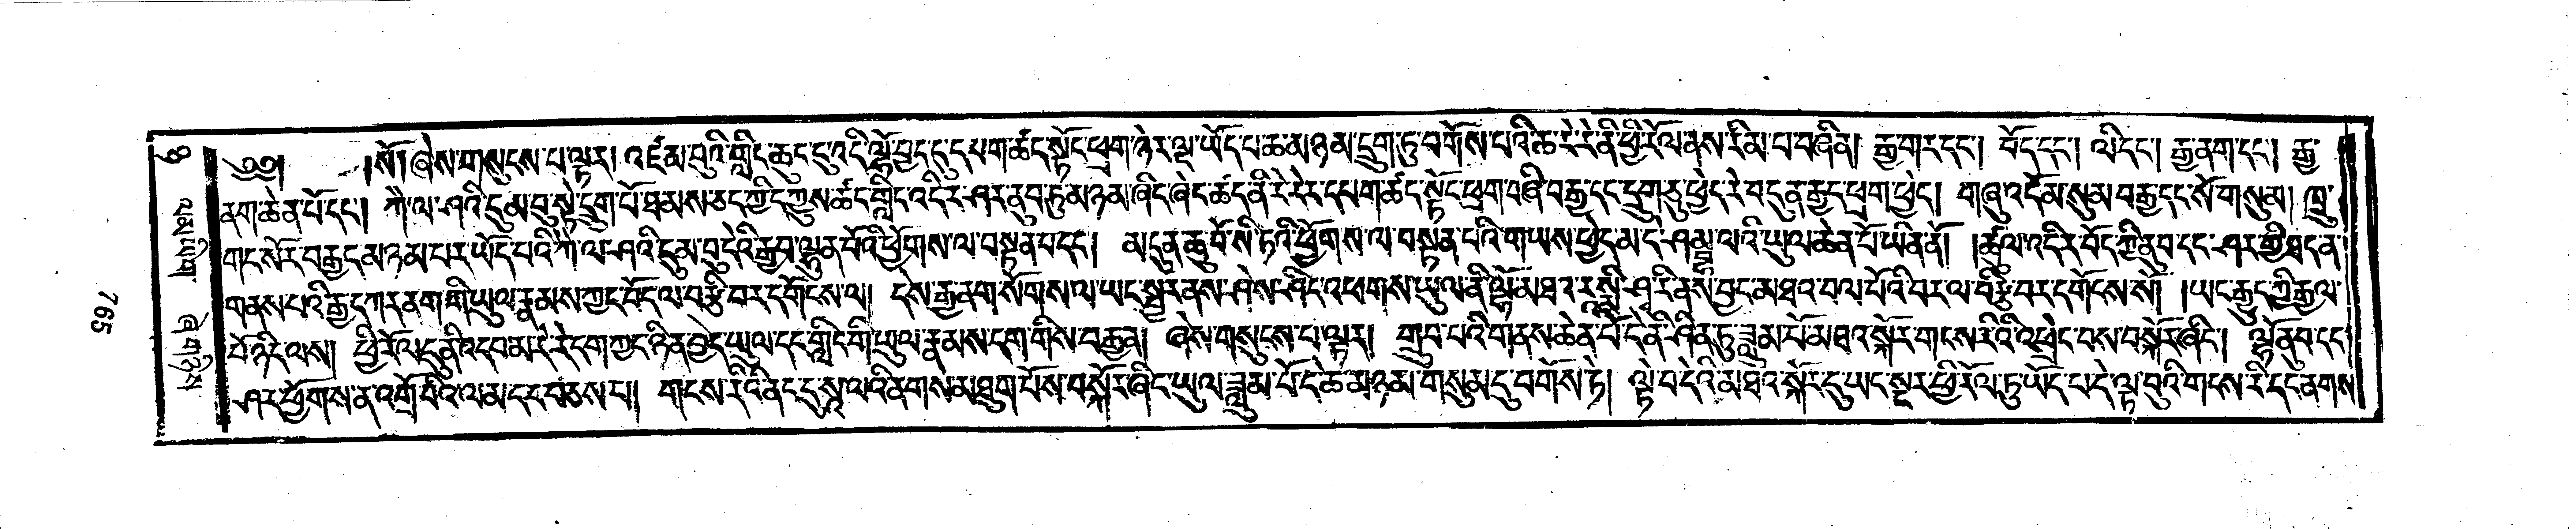༄༅། །སོ། ཞེས་གསུངས་པ་ལྟར། འཛམ་བུའི་གླིང་ཆུང་ངུ་འདི་ལྷོ་བྱད་དུ་དཔག་ཚད་སྟོང་ཕྲག་ཉེར་ལྔ་ཡོད་པ་ཆ་མཉམ་དྲུག་ཏུ་བགོས་པའི་ཆ་རེ་རེ་ནི་ཕྱི་རོལ་ནས་རིམ་པ་བཞིན། རྒྱ་གར་དང་། བོད་དང་། ལི་དང་། རྒྱ་ནག་དང་། རྒྱ་
ནག་ཆེན་པོ་དང་། ཀཻ་ལ་ཤའི་དུམ་བུ་སྟེ་དྲུག་པོ་ཐམས་ཅད་ཀྱི་དཀྱུས་ཚད་གླིང་འདིར་ཤར་ནུབ་ཏུ་མཉམ་ཞིད་ཞེང་ཚད་ནི་རེ་རེར་དཔག་ཚད་སྟོང་ཕྲག་བཞི་བརྒྱ་དང་དྲུག་ཅུ་ཕྱེད་རེ་བདུན་རྒྱད་ཕྲག་ཕྱེད། གཞུ་འདོམ་སུམ་བརྒྱ་དང་སོ་གསུམ། ཁྲུ་
གང་སོར་བརྒྱད་མཉམ་པར་ཡོད་པའི་ཀཻ་ལ་ཤའི་དུམ་བུ་དེའི་རྒྱབ་ལྷུན་པོའི་ཕྱོགས་ལ་བསྟན་པ་དང་། མདུན་ཆུ་བོ་སི་ཏའི་ཕྱོགས་ལ་བསྟན་པའི་གཡས་ཕྱེད་མ་དེ་ཤམྦྷ་ལའི་ཡུལ་ཆེན་པོ་ཡིན་ནོ། །ཚུལ་འདིར་བོད་ཀྱི་ནུབ་དང་ཤར་གྱི་ཐད་ན་
གནས་པའི་རྒྱ་དཀར་ནག་གི་ཡུལ་རྣམས་ཀྱང་བོད་ལ་བརྩི་བར་དགོངས་ལ། དེས་རྒྱ་ནག་སོགས་ལ་ཡང་སྦྱར་ནས་ཤེས་ཤིང་འཕགས་ཡུལ་ནི་ལྷོ་མཐའ་རཱསྨི་ཤྭ་རི་ནས་བྱང་མཐའ་བལ་པོའི་བར་ལ་བརྩི་བར་དགོངས་སོ། །ཡང་རྒྱུད་ཀྱི་རྒྱལ་
པོ་ཉིད་ལས། ཕྱི་རོལ་དུ་ནི་འདབ་མ་རེ་རེ་དག་ཀྱང་ཉིན་བྱེད་ཡུལ་དང་གླིང་གི་ཡུལ་རྣམས་དག་གིས་བརྒྱན། ཞེས་གསུངས་པ་ལྟར། གྲུབ་པའི་གནས་ཆེན་པོ་དེ་ནི་ཤིན་ཏུ་ཟླུམ་པོ་མཐའ་སྐོར་གངས་རིའི་འཕྲེང་བས་བསྐོར་ཞིང་། ལྷོ་ནུབ་དང་
ཤར་ཕྱོགས་ན་འགྲོ་བའི་ལམ་དང་བཅས་པ། གངས་རིའི་ནང་དུ་སཱ་ལའི་ནགས་མཐུག་པོས་བསྐོར་ཞིང་ཡུལ་ཟླུམ་པོ་དེ་ཆ་མཉམ་གསུམ་དུ་བགོས་ཏེ། ལྟེ་བ་དེའི་མཐའ་སྐོར་དུ་ཡང་སྔར་ཕྱི་རོལ་ཏུ་ཡོད་པ་དེ་ལྟ་བུའི་གངས་རི་དང་ནགས་